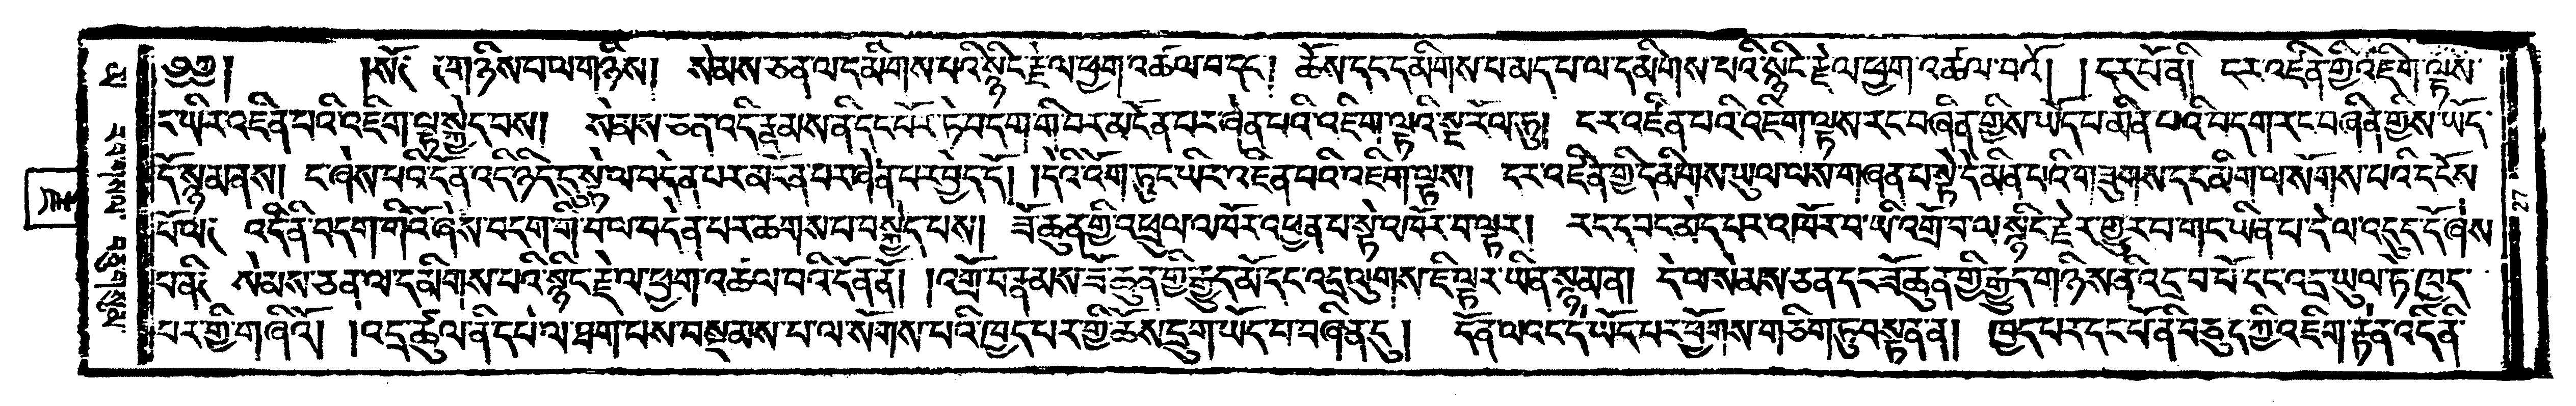༄༅། །སོ། །གཉིས་པ་ལ་གཉིས། སེམས་ཅན་ལ་དམིགས་པའི་སྙིང་རྗེ་ལ་ཕྱག་འཚལ་བ་དང་། ཆོས་དང་དམིགས་པ་མེད་པ་ལ་དམིགས་པའི་སྙིང་རྗེ་ལ་ཕྱག་འཚལ་བའོ། །དང་པོ་ནི། ངར་འཛིན་གྱི་འཇིག་ལྟས་
ང་ཡིར་འཛིན་པའི་འཇིག་ལྟ་སྐྱེད་པས། སེམས་ཅན་འདི་རྣམས་ནི་དང་པོར་ཏེ་བདག་གི་བར་མངོན་པར་ཞེན་པའི་འཇིག་ལྟའི་སྔ་རོལ་ཏུ། ངར་འཛིན་པའི་འཇིག་ལྟས་རང་བཞིན་གྱིས་ཡོད་པ་མིན་པའི་བདག་རང་བཞིན་གྱིས་ཡོད་
དོ་སྙམ་ནས། ང་ཞེས་པའི་དོན་འདི་ཉིད་དུ་སྟེ་ལ་བདེན་པར་མངོན་པར་ཞེན་པར་བྱེད་དོ། །དེའི་འོག་ཏུ་ང་ཡིར་འཛིན་པའི་འཇིག་ལྟས། ངར་འཛིན་གྱི་དམིགས་ཡུལ་ལས་གཞན་པ་སྟེ་དེ་མིན་པའི་གཟུགས་དང་མིག་ལ་སོགས་པའི་དངོས་
པོ་ལ། འདི་ནི་བདག་གིའོ་ཞེས་བདག་གི་བ་ལ་བདེན་པར་ཆགས་པ་བསྐྱེད་པས། ཟོ་ཆུན་གྱི་འཕྲུལ་འཁོར་འཕྱན་པ་སྟེ་འཁོར་བ་ལྟར། རང་དབང་མེད་པར་འཁོར་བ་ཡི་འགྲོ་བ་ལ་སྙིང་རྗེར་གྱུར་པ་གང་ཡིན་པ་དེ་ལ་འདུད་དོ་ཞེས་
པ་ནི། སེམས་ཅན་ལ་དམིགས་པའི་སྙིང་རྗེ་ལ་ཕྱག་འཚལ་བའི་དོན་ནོ། །འགྲོ་པ་རྣམས་ཟོ་ཆུན་གྱི་རྒྱུད་མོ་དང་འདྲ་ལུགས་ཇི་ལྟར་ཡིན་སྙམ་ན། དེ་ལ་སེམས་ཅན་དང་ཟོ་ཆུན་གྱི་རྒྱུད་གཉིས་ནི་འདྲ་བ་པོ་དང་འདྲ་ཡུལ་ཏེ་ཁྱད་
པར་གྱི་གཞིའོ། །འདྲ་ཚུལ་ནི་དཔེ་ལ་ཐག་པས་བསྡམས་པ་ལ་སོགས་པའི་ཁྱད་པར་གྱི་ཆོས་དྲུག་ཡོད་པ་བཞིན་དུ། དོན་ལའང་དེ་ཡོད་པར་ཕྱོགས་གཅིག་ཏུ་བསྟན་ན། ཁྱད་པར་དང་པོ་ནི་བཅུད་ཀྱི་འཇིག་རྟེན་འདི་ནི་